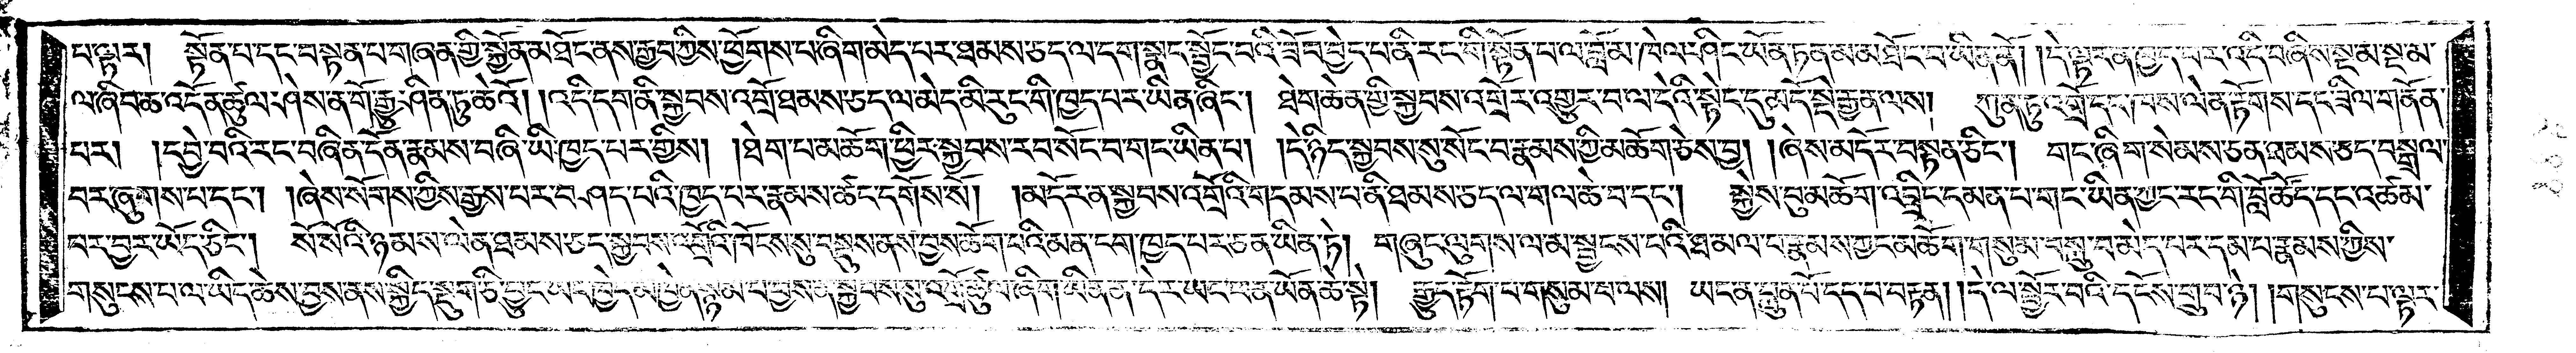པ་ལྟར། སྟོན་པ་དང་བསྟན་པ་གཞན་གྱི་སྐྱོན་མཐོང་ནས་རྒྱབ་ཀྱིས་ཕྱོགས་པ་ཞིག་མེད་པར་ཐམས་ཅད་ལ་དག་སྣང་སྦྱོང་བའི་ཟོབ་བྱེད་པ་ནི་རང་གི་སྟོན་པ་ལ་བློ་མ་ཁེལ་ཤིང་ཡོན་ཏན་མ་མཐོང་བ་ཡིན་ནོ། །དེ་ལྟར་ན་ཁྱད་པར་འདི་བཞིས་སྔ་མ་སྔ་མ་
ལ་ཞི་བ་ཆ་འདོན་ཚུལ་ཤེས་ན་གོ་རྒྱུ་ཤིན་ཏུ་ཆེའོ། །འདི་དག་ནི་སྐྱབས་འགྲོ་ཐམས་ཅད་ལ་མེད་མི་རུང་གི་ཁྱད་པར་ཡིན་ཞིང་། ཐེག་ཆེན་གྱི་སྐྱབས་འགྲོར་འགྱུར་བ་ལ་དེའི་སྟེང་དུ་མདོ་སྡེ་རྒྱན་ལས། ཀུན་ཏུ་འགྲོ་དང་ཁས་ལེན་རྟོགས་དང་ཟིལ་གནོན་
བར། །དབྱེ་བའི་རང་བཞིན་དོན་རྣམས་བཞི་ཡི་ཁྱད་པར་གྱིས། །ཐེག་པ་མཆོག་ཕྱིར་སྐྱབས་རབ་སོང་བ་གང་ཡིན་པ། །དེ་ཉིད་སྐྱབས་སུ་སོང་བ་རྣམས་ཀྱི་མཆོག་ཅེས་བྱ། །ཞེས་མདོར་བསྟན་ཅིང་། གང་ཞིག་སེམས་ཅན་ཐམས་ཅད་བསྒྲལ་
བར་ཞུགས་པ་དང་། །ཞེས་སོགས་ཀྱིས་རྒྱས་པར་བཤད་པའི་ཁྱད་པར་རྣམས་ཚང་དགོས་སོ། །མདོར་ན་སྐྱབས་འགྲོའི་གདམས་པ་ནི་ཐམས་ཅད་ལ་གལ་ཆེ་བ་དང་། སྐྱེས་བུ་མཆོག་འབྲིང་དམན་པ་གང་ཡིན་ཀྱང་རང་གི་བློ་ཚོད་དང་འཚམ་
པར་བྱར་ཡོད་ཅིང་། སོ་སོའི་ཉམས་ལེན་ཐམས་ཅད་སྐྱབས་འགྲོའི་ཁོངས་སུ་བསྡུས་ནས་བྱས་ཆོག་པའི་མན་ངག་ཁྱད་པར་ཅན་ཡིན་ཏེ། གཞུང་ལུགས་ལ་མ་སྦྱངས་པའི་ཐ་མལ་པ་རྣམས་ཀྱང་མཆོག་གསུམ་བསླུ་བ་མེད་པར་དམ་པ་རྣམས་ཀྱིས་
གསུངས་པ་ལ་ཡིད་ཆེས་བྱས་ནས་སྐྱིད་སྡུག་ཅི་བྱུང་ཡང་མཁྱེད་མཁྱེན་སྙམ་པ་བྱས་ན་སྐྱབས་སུ་འགྲོ་ཚུལ་ཞིག་ཡིན་ན་དེར་ཡང་ཕན་ཡོན་ཆེ་སྟེ། རྒྱུད་རྟོག་པ་གསུམ་པ་ལས། ཡང་ན་བླུན་པོ་དད་པ་བརྟན། །དེ་ལ་སྦྱོར་བའི་དངོས་གྲུབ་ཉེ། །གསུངས་པ་ལྟར་